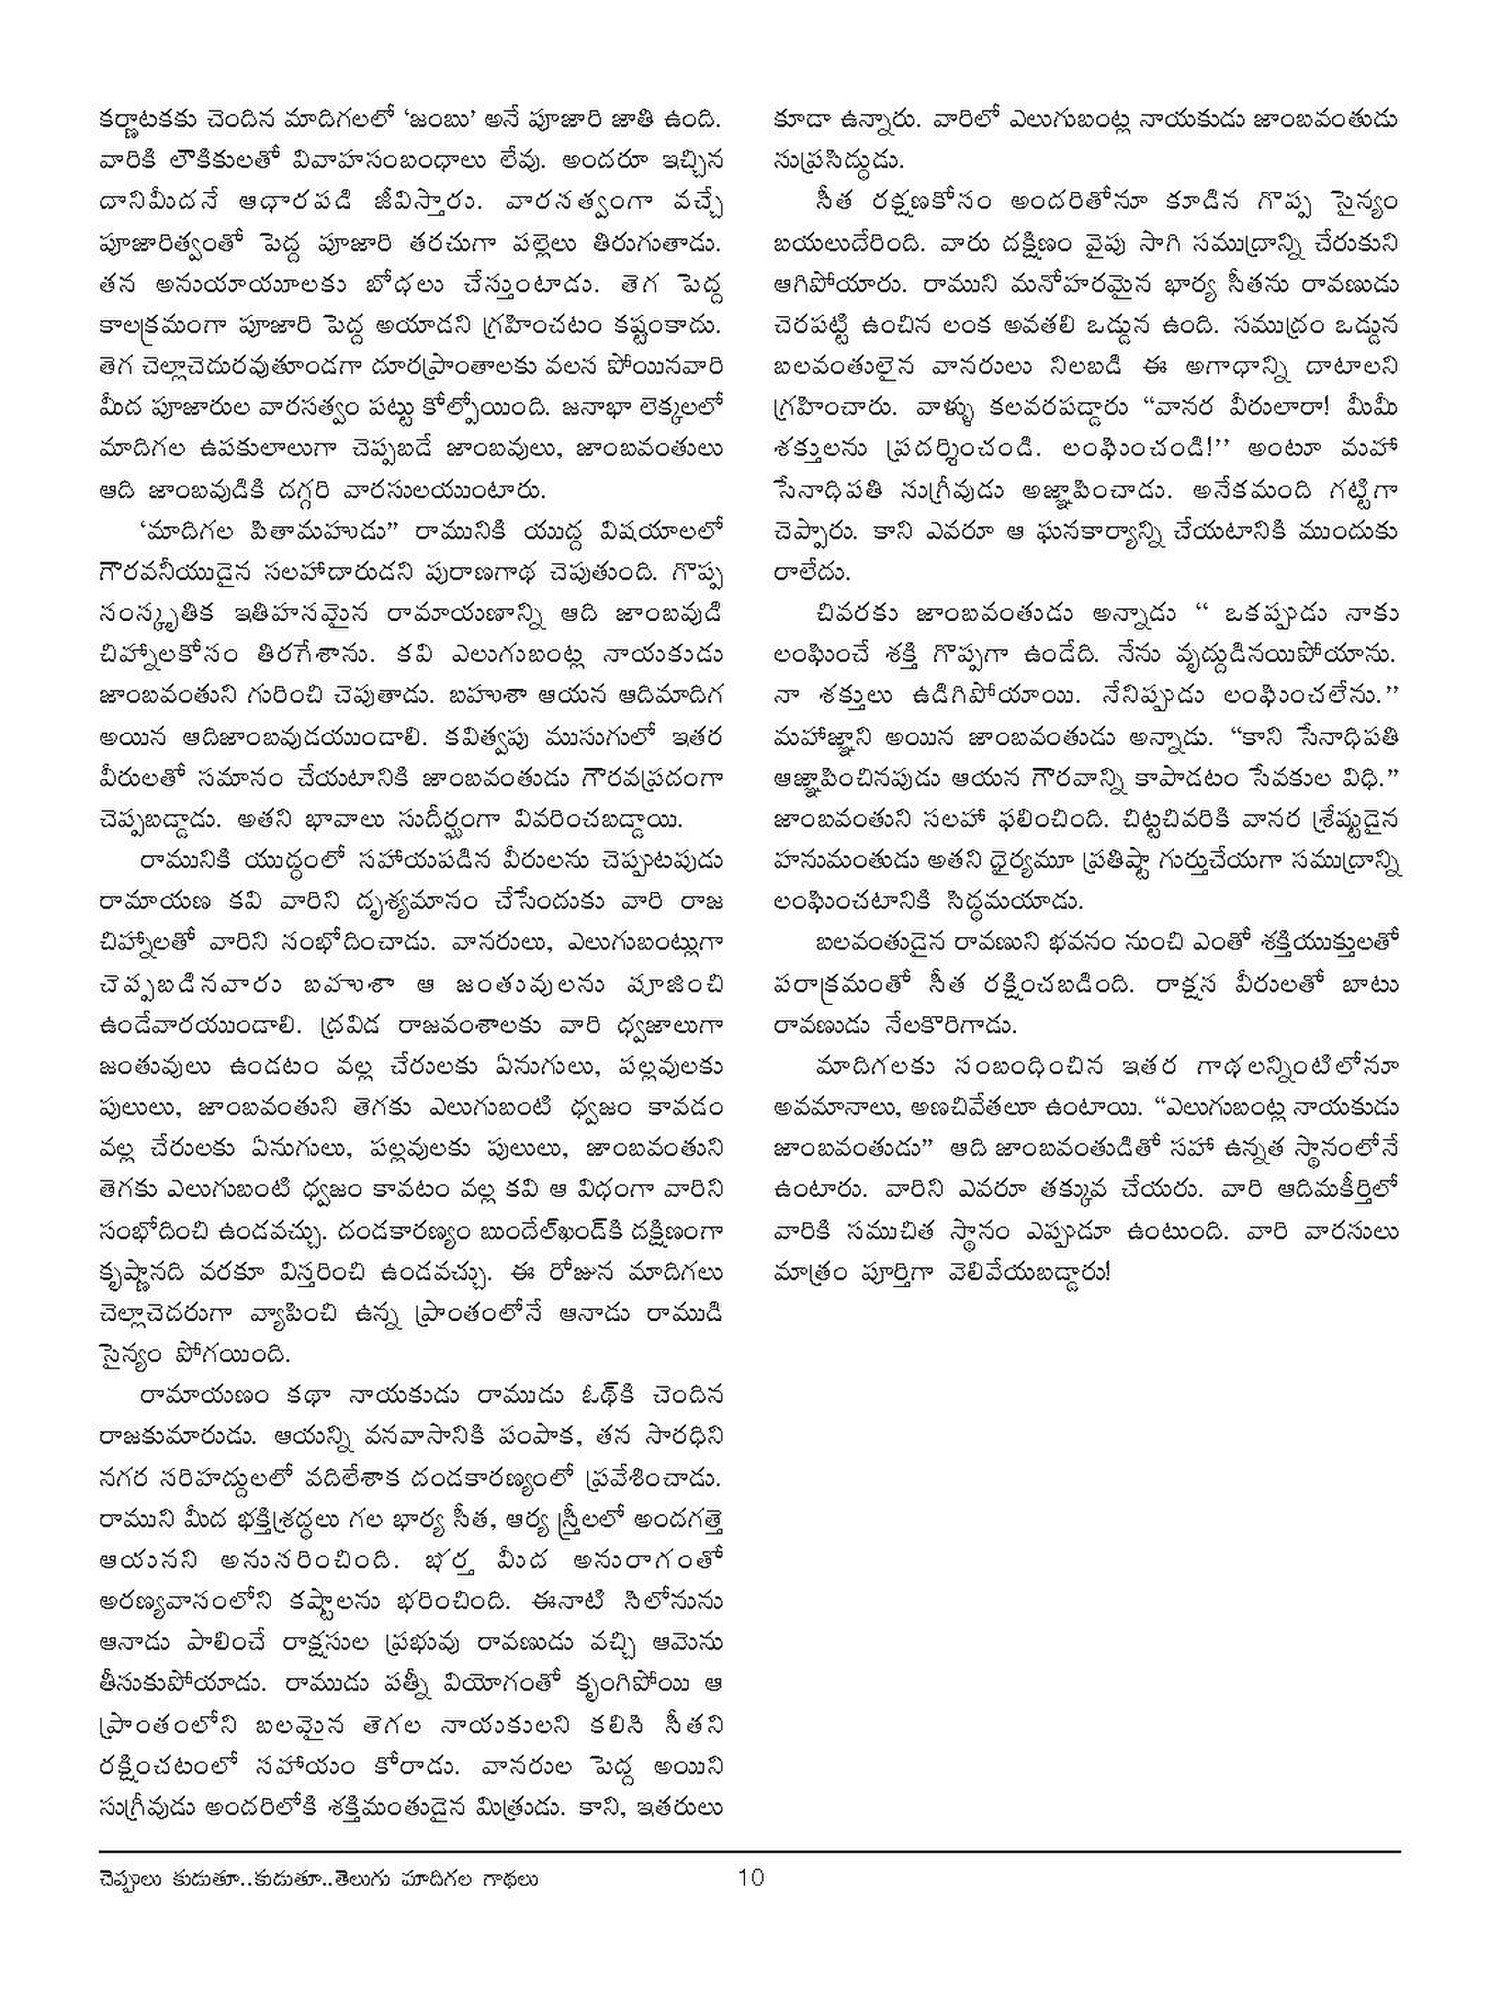కర్ణాటకకు చెందిన మాదిగలలో 'జంబు' అనే పూజారి జాతి ఉంది. వారికి లౌకికులతో వివాహసంబంధాలు లేవు. అందరూ ఇచ్చిన దానిమీదనే ఆధారవడి జీవిస్తారు. వారసత్వంగా వచ్చే పూజారిత్వంతో పెద్ద పూజారి తరచుగా పల్లెలు తిరుగుతాడు. తన అనుయాయూలకు బోధలు చేన్తుంటాడు. తెగ పెద్ద కాలక్రమంగా పూజారి పెద్ద అయాడని గ్రహించటం కష్టంకాదు. తెగ చెల్లాచెదురవుతూండగా దూరప్రాంతాలకు వలస పోయినవారి మీద పూజారుల వారసత్వం పట్టు కోల్పోయింది. జనాభా లెక్కలలో మాదిగల ఉపకులాలుగా చెప్పబడే జాంబవులు, జాంబవంతులు ఆది జాంబవుడికి దగ్గరి వారసులయుంటారు.

“మాదిగల పితామహుడు” రామునికి యుద్ద విషయాలలో గౌరవనీయుడైన సలహాదారుడని పురాణగాథ చెపుతుంది. గొప్ప నంన్కృతిక ఇతిహసమైన రామాయణాన్ని ఆది జాంబవుడి చిహ్నాలకోసం తిరగేశాను. కవి ఎలుగుబంట్ల నాయకుడు జాంబవంతుని గురించి చెపుతాడు. బహుశా ఆయన ఆదిమాదిగ అయిన ఆదిజాంబవుడయుండాలి. కవిత్వపు ముసుగులో ఇతర వీరులతో సమానం చేయటానికి జాంబవంతుడు గౌరవప్రదంగా చెప్పబడ్డాడు. అతని భావాలు సుదీర్ఘంగా వివరించబడ్డాయి.

రామునికి యుద్ధంలో సహాయపడిన వీరులను చెప్పుటపుడు రామాయణ కవి వారిని దృశ్యమానం చేసేందుకు వారి రాజ చిహ్నాలతో వారిని నంభోదించాడు. వానరులు, ఎలుగుబంట్లుగా చెప్పబడినవారు బహుశా ఆ జంతువులను పూజించి ఉండేవారయుండాలి. ద్రవిడ రాజవంశాలకు వారి ధ్వజాలుగా జంతువులు ఉండటం వల్ల చేరులకు ఏనుగులు, పల్లవులకు పులులు, జాంబవంతుని తెగకు ఎలుగుబంటి ధ్వజం కావడం వల్ల చేరులకు ఏనుగులు, పల్లవులకు పులులు, జాంబవంతుని తెగకు ఎలుగుబంటి ధ్వజం కావటం వల్ల కవి ఆ విధంగా వారిని సంభోదించి ఉండవచ్చు. దండకారణ్యం బుందేల్‌ఖండ్‌కి దక్షిణంగా కృష్ణానది వరకూ విస్తరించి ఉండవచ్చు. ఈ రోజున మాదిగలు చెల్లాచెదరుగా వ్యాపించి ఉన్న ప్రాంతంలోనే ఆనాడు రాముడి సైన్యం పోగయింది.

రామాయణం కథా నాయకుడు రాముడు ఓథ్‌కి చెందిన రాజకుమారుడు. ఆయన్ని వనవాసానికి పంపాక, తన సారధిని నగర నరిహద్దులలో వదిలేశాక దండకారణ్యంలో ప్రవేశించాడు. రాముని మీద భక్తిశ్రద్ధలు గల భార్య సీత, ఆర్య స్త్రీలలో అందగత్తె ఆయనని అనునరించింది. బర్త మీద అనురాగంతో
అరణ్యవాసంలోని కష్టాలను భరించింది. ఈనాటి సిలోనును ఆనాడు పాలించే రాక్షసుల ప్రభువు రావణుడు వచ్చి ఆమెను తీనుకుపోయాడు. రాముడు పత్నీ వియోగంతో కృంగిపోయి ఆ ప్రాంతంలోని బలమైన తెగల నాయకులని కలిని నీతని రక్షించటంలో సహాయం కోరాడు. వానరుల పెద్ద అయిని సుగ్రీవుడు అందరిలోకి శక్తిమంతుడైన మిత్రుడు. కాని, ఇతరులు కూడా ఉన్నారు. వారిలో ఎలుగుబంట్ల నాయకుడు జాంబవంతుడు సుప్రసిద్ధుడు.

సీత రక్షణకోసం అందరితోనూ కూడిన గొప్ప సైన్యం బయలుదేరింది. వారు దక్షిణం వైపు సాగి సముద్రాన్ని చేరుకుని ఆగిపోయారు. రాముని మనోహరమైన భార్య సీతను రావణుడు చెరపట్టి ఉంచిన లంక అవతలి ఒడ్డున ఉంది. సముద్రం ఒడ్డున బలవంతులైన వానరులు నిలబడి ఈ అగాధాన్ని దాటాలని
గ్రహించారు. వాళ్ళు కలవరపడ్డారు “వానర వీరులారా! మీమీ శక్తులను ప్రదర్శించండి. లంఘించండి!” అంటూ మహా సేనాధిపతి సుగ్రీవుడు అజ్ఞాపించాడు. అనేకమంది గట్టిగా చెప్పారు. కాని ఎవరూ ఆ ఘనకార్యాన్ని చేయటానికి ముందుకు రాలేదు.

చివరకు జాంబవంతుడు అన్నాడు “ఒకప్పుడు నాకు లంఘించే శక్తి గొప్పగా ఉండేది. నేను వృద్దుడినయిపోయాను. నా శక్తులు ఉడిగిపోయాయి. నేనిప్పుడు లంఘించలేను.” మహాజ్ఞాని అయిన జాంబవంతుడు అన్నాడు. “కాని సేనాధిపతి ఆజ్ఞాపించినవుడు ఆయన గౌరవాన్ని కాపాడటం సేవకుల విధి.” జాంబవంతుని సలహా ఫలించింది. చిట్టచివరికి వానర శ్రేష్టుడైన హనుమంతుడు అతని ధైర్యమూ ప్రతిష్టా గుర్తుచేయగా సముద్రాన్ని లంఘించటానికి సిద్ధమయాడు.

బలవంతుడైన రావణుని భవనం నుంచి ఎంతో శక్తియుక్తులతో పరాక్రమంతో సీత రక్షించబడింది. రాక్షస వీరులతో బాటు రావణుడు నేలకొరిగాడు.

మాదిగలకు నంబంధించిన ఇతర గాథలన్నింటిలోనూ అవమానాలు, అణచివేతలూ ఉంటాయి. “ఎలుగుబంట్ల నాయకుడు జాంబవంతుడు” ఆది జాంబవంతుడితో సహా ఉన్నత స్థానంలోనే ఉంటారు. వారిని ఎవరూ తక్కువ చేయరు. వారి ఆదిమకీర్తిలో వారికి సముచిత స్థానం ఎప్పుడూ ఉంటుంది. వారి వారసులు మాత్రం పూర్తిగా వెలివేయబడ్డారు!